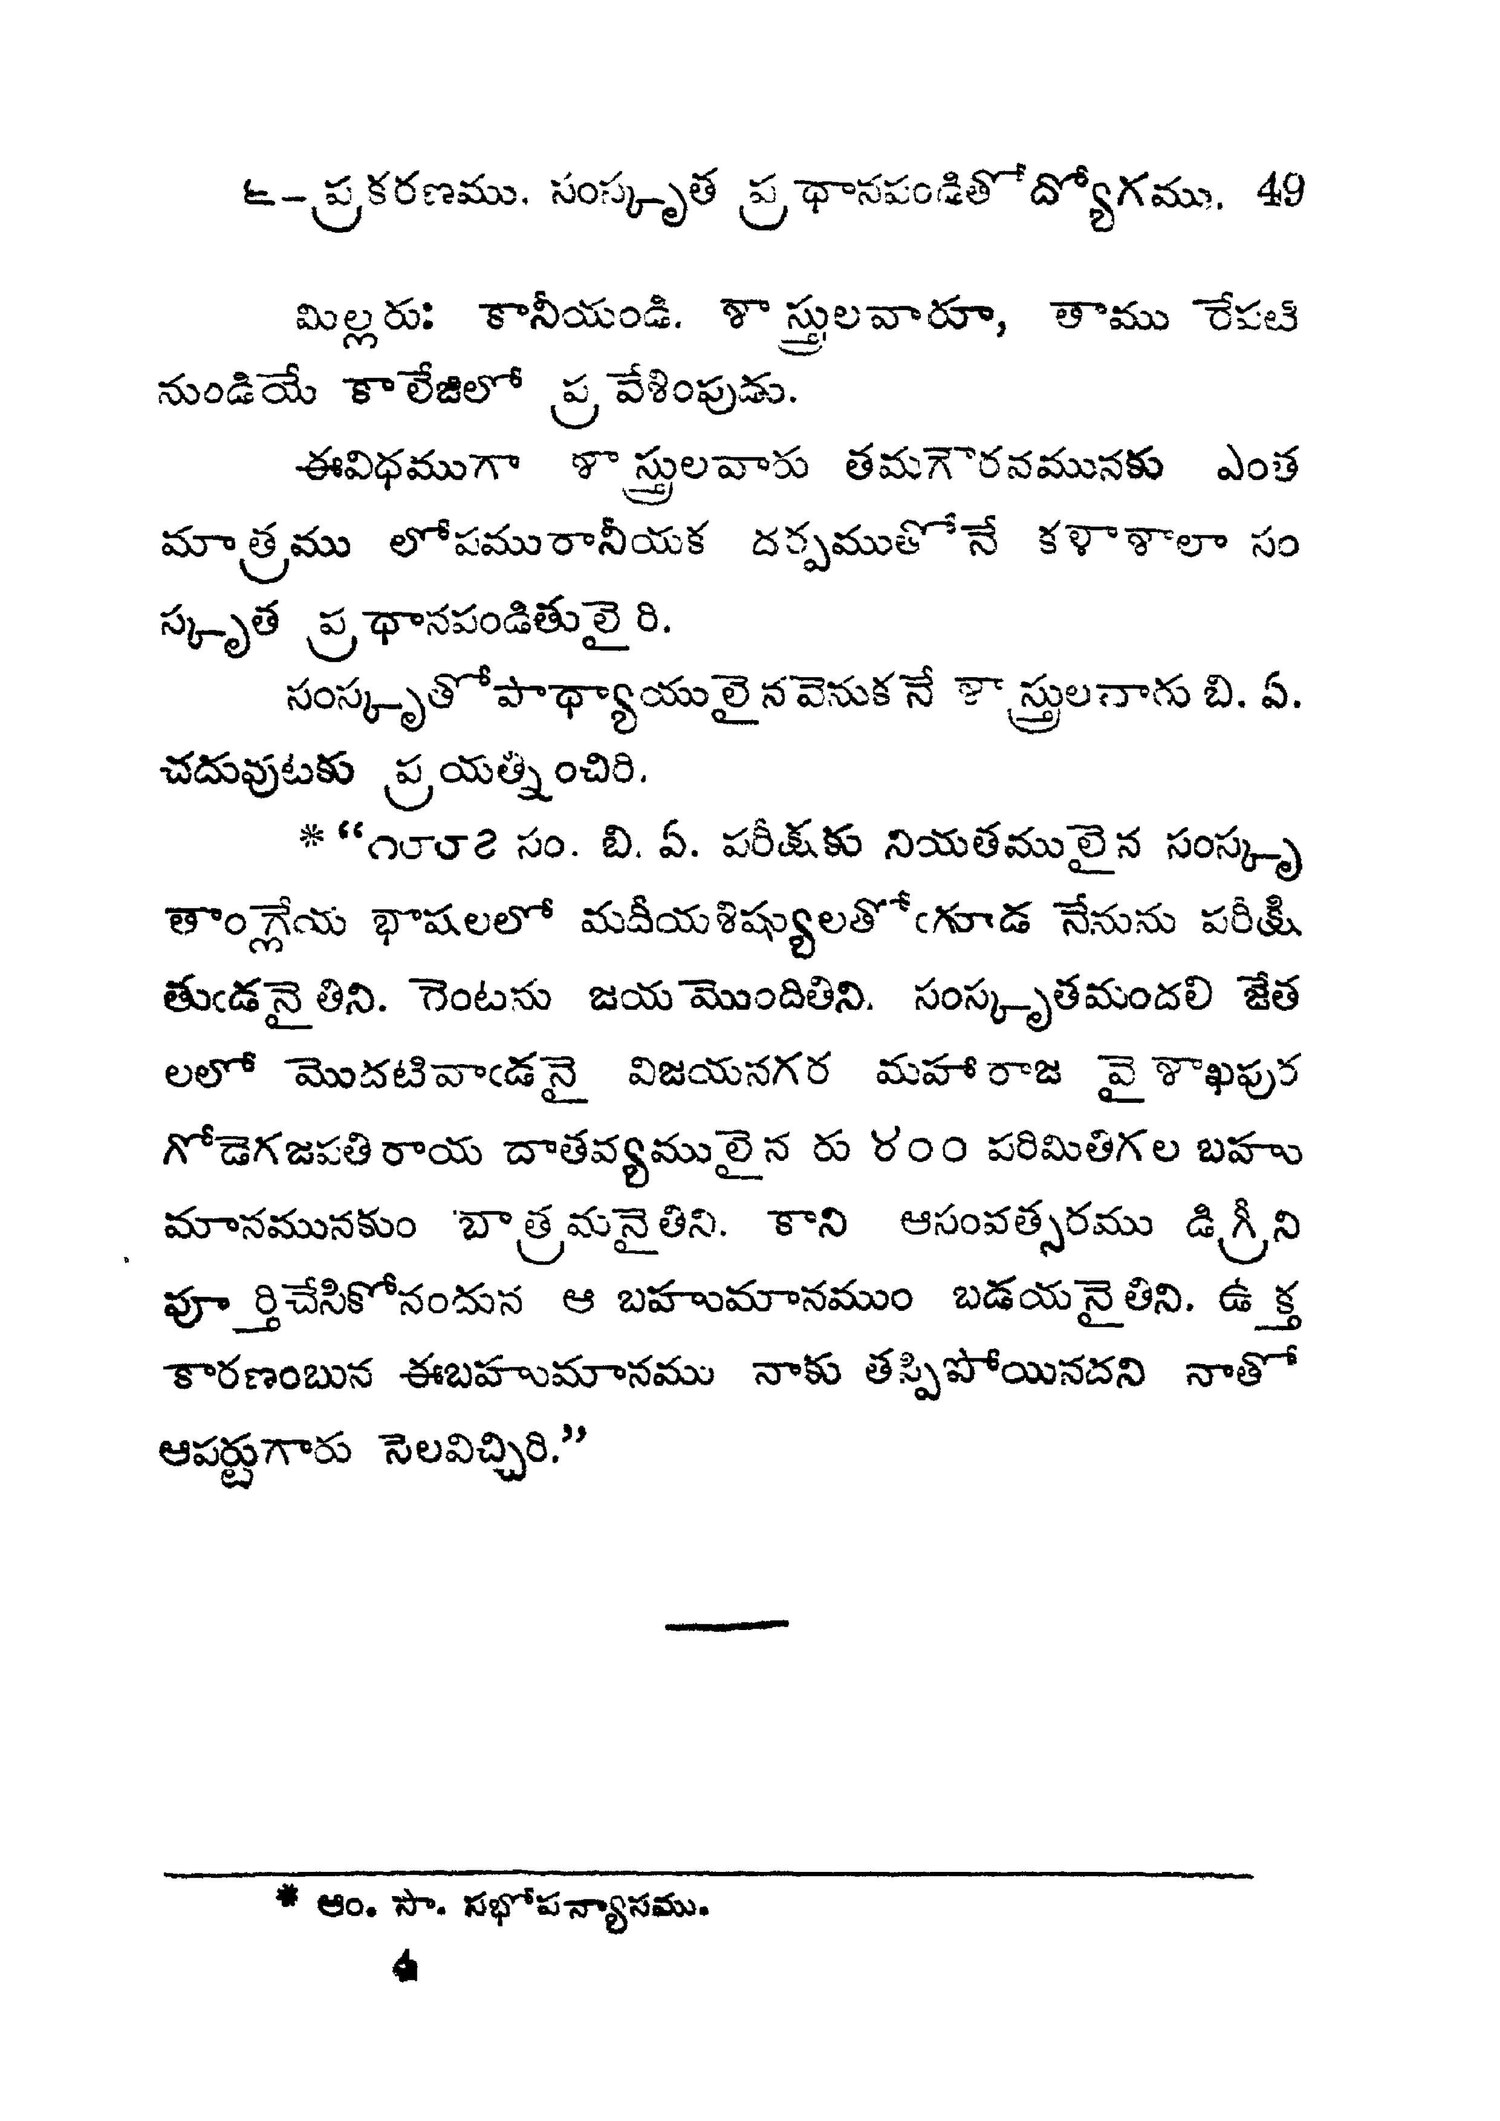మిల్లరు: కానీయండి. శాస్త్రులవారూ, తాము రేపటి నుండియే కాలేజిలో ప్రవేశింపుడు.

ఈవిధముగా శాస్త్రులవారు తమగౌరవమునకు ఎంతమాత్రము లోపమురానీయక దర్పముతోనే కళాశాలా సంస్కృత ప్రథానపండితులైరి.

సంస్కృతోపాథ్యాయులైనవెనుకనే శాస్త్రులవారు బి.ఏ. చదువుటకు ప్రయత్నించిరి.

"1887 సం. బి.ఏ. పరీక్షకు నియతములైన సంస్కృతాంగ్లేయ భాషలలో మదీయశిష్యులతో గూడ నేనును పరీక్షితుడనైతిని. రెంటను జయమొందితిని. సంస్కృతమందలి జేతలలో మొదటివాడనై విజయనగర మహారాజ వైసాఖపుర గోడెగజపతిరాయ దాతవ్యములైన రు 400 పరిమితిగల బహుమానమునకుం బాత్రమనైతిని. కాని ఆసంవత్సరము డిగ్రీని పూర్తిచేసికోనందున ఆ బహుమానముం బడయనైతిని. ఉక్త కారణంబున ఈబహుమానము నాకు తప్పిపోయినదని నాతో ఆపర్టుగారు సెలవిచ్చిరి."

___________